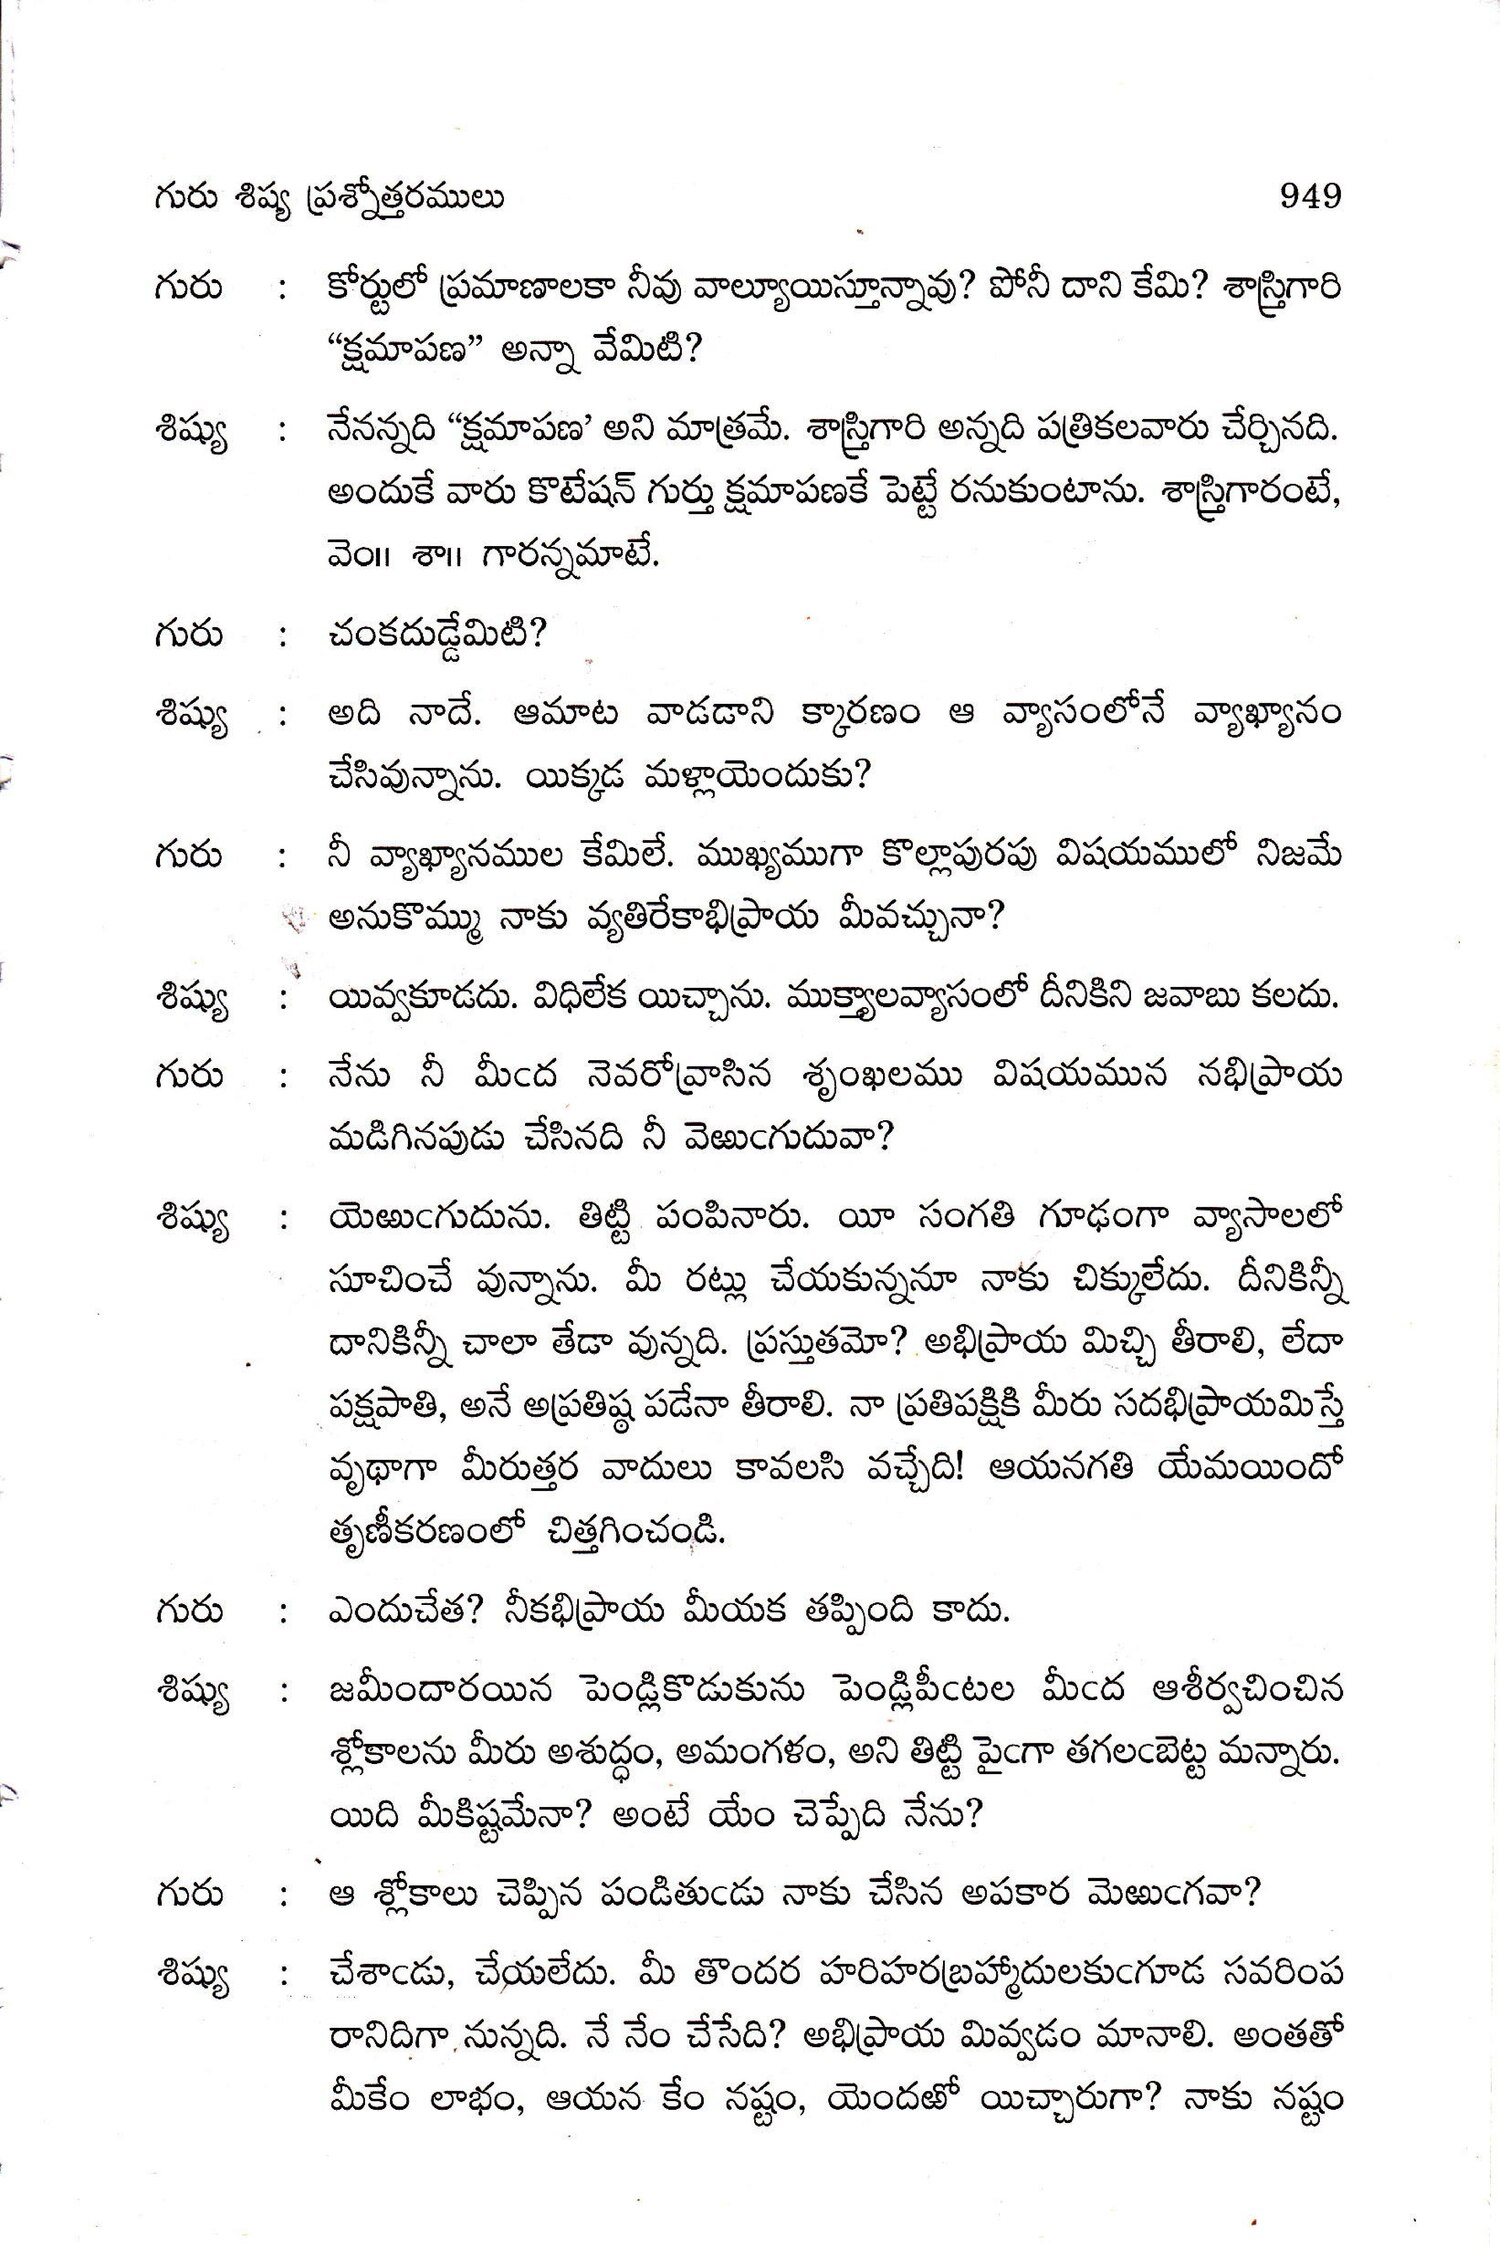గురు : కోర్టులో ప్రమాణాలకా నీవు వాల్యూయిస్తూన్నావు? పోనీ దాని కేమి? శాస్త్రిగారి "క్షమాపణ" అన్నా వేమిటి?

శిష్యు : నేనన్నది "క్షమాపణ" అని మాత్రమే. శాస్త్రిగారి అన్నది పత్రికలవారు చేర్చినది. అందుకే వారు కొటేషన్ గుర్తు క్షమాపణకే పెట్టే రనుకుంటాను. శాస్త్రిగారంటే, వెం|| శా|| గారన్నమాటే.

గురు : చంకదుద్దేమిటి?

శిష్యు : అది నాదే. ఆమాట వాడడాని క్కారణం ఆ వ్యాసంలోనే వ్యాఖ్యానం చేసివున్నాను. యిక్కడ మళ్లాయెందుకు? -

గురు : నీ వ్యాఖ్యానముల కేమిలే. ముఖ్యముగా కొల్లాపురపు విషయములో నిజమే అనుకొమ్ము నాకు వ్యతిరేకాభిప్రాయ మీవచ్చునా? 

శిష్యు : యివ్వకూడదు. విధిలేక యిచ్చాను. ముక్త్యాలవ్యాసంలో దీనికిని జవాబు కలదు.

గురు : నేను నీ మీఁద నెవరోవ్రాసిన శృంఖలము విషయమున నభిప్రాయ మడిగినపుడు చేసినది నీ వెఱుఁగుదువా?

శిష్యు : యెఱుఁగుదును. తిట్టి పంపినారు. యీ సంగతి గూఢంగా వ్యాసాలలో సూచించే వున్నాను. మీ రట్లు చేయకున్ననూ నాకు చిక్కులేదు. దీనికిన్నీ దానికిన్నీ చాలా తేడా వున్నది. ప్రస్తుతమో? అభిప్రాయ మిచ్చి తీరాలి, లేదా పక్షపాతి, అనే అప్రతిష్ట పడేనా తీరాలి. నా ప్రతిపక్షికి మీరు సదభిప్రాయమిస్తే వృథాగా మీరుత్తర వాదులు కావలసి వచ్చేది! ఆయనగతి యేమయిందో తృణీకరణంలో చిత్తగించండి.

గురు : ఎందుచేత? నీకభిప్రాయ మీయక తప్పింది కాదు.

శిష్యు : జమీందారయిన పెండ్లికొడుకును పెండ్లిపీఁటల మీఁద ఆశీర్వచించిన శ్లోకాలను మీరు అశుద్ధం, అమంగళం, అని తిట్టి పైఁగా తగలఁబెట్ట మన్నారు. యిది మీకిష్టమేనా? అంటే యేం చెప్పేది నేను?

గురు : ఆ శ్లోకాలు చెప్పిన పండితుఁడు నాకు చేసిన అపకార మెఱుఁగవా? 

శిష్యు : చేశాఁడు, చేయలేదు. మీ తొందర హరిహరబ్రహ్మాదులకుఁగూడ సవరింప రానిదిగా నున్నది. నే నేం చేసేది? అభిప్రాయ మివ్వడం మానాలి. అంతతో మీకేం లాభం, ఆయన కేం నష్టం, యెందఱో యిచ్చారుగా? నాకు నష్టం